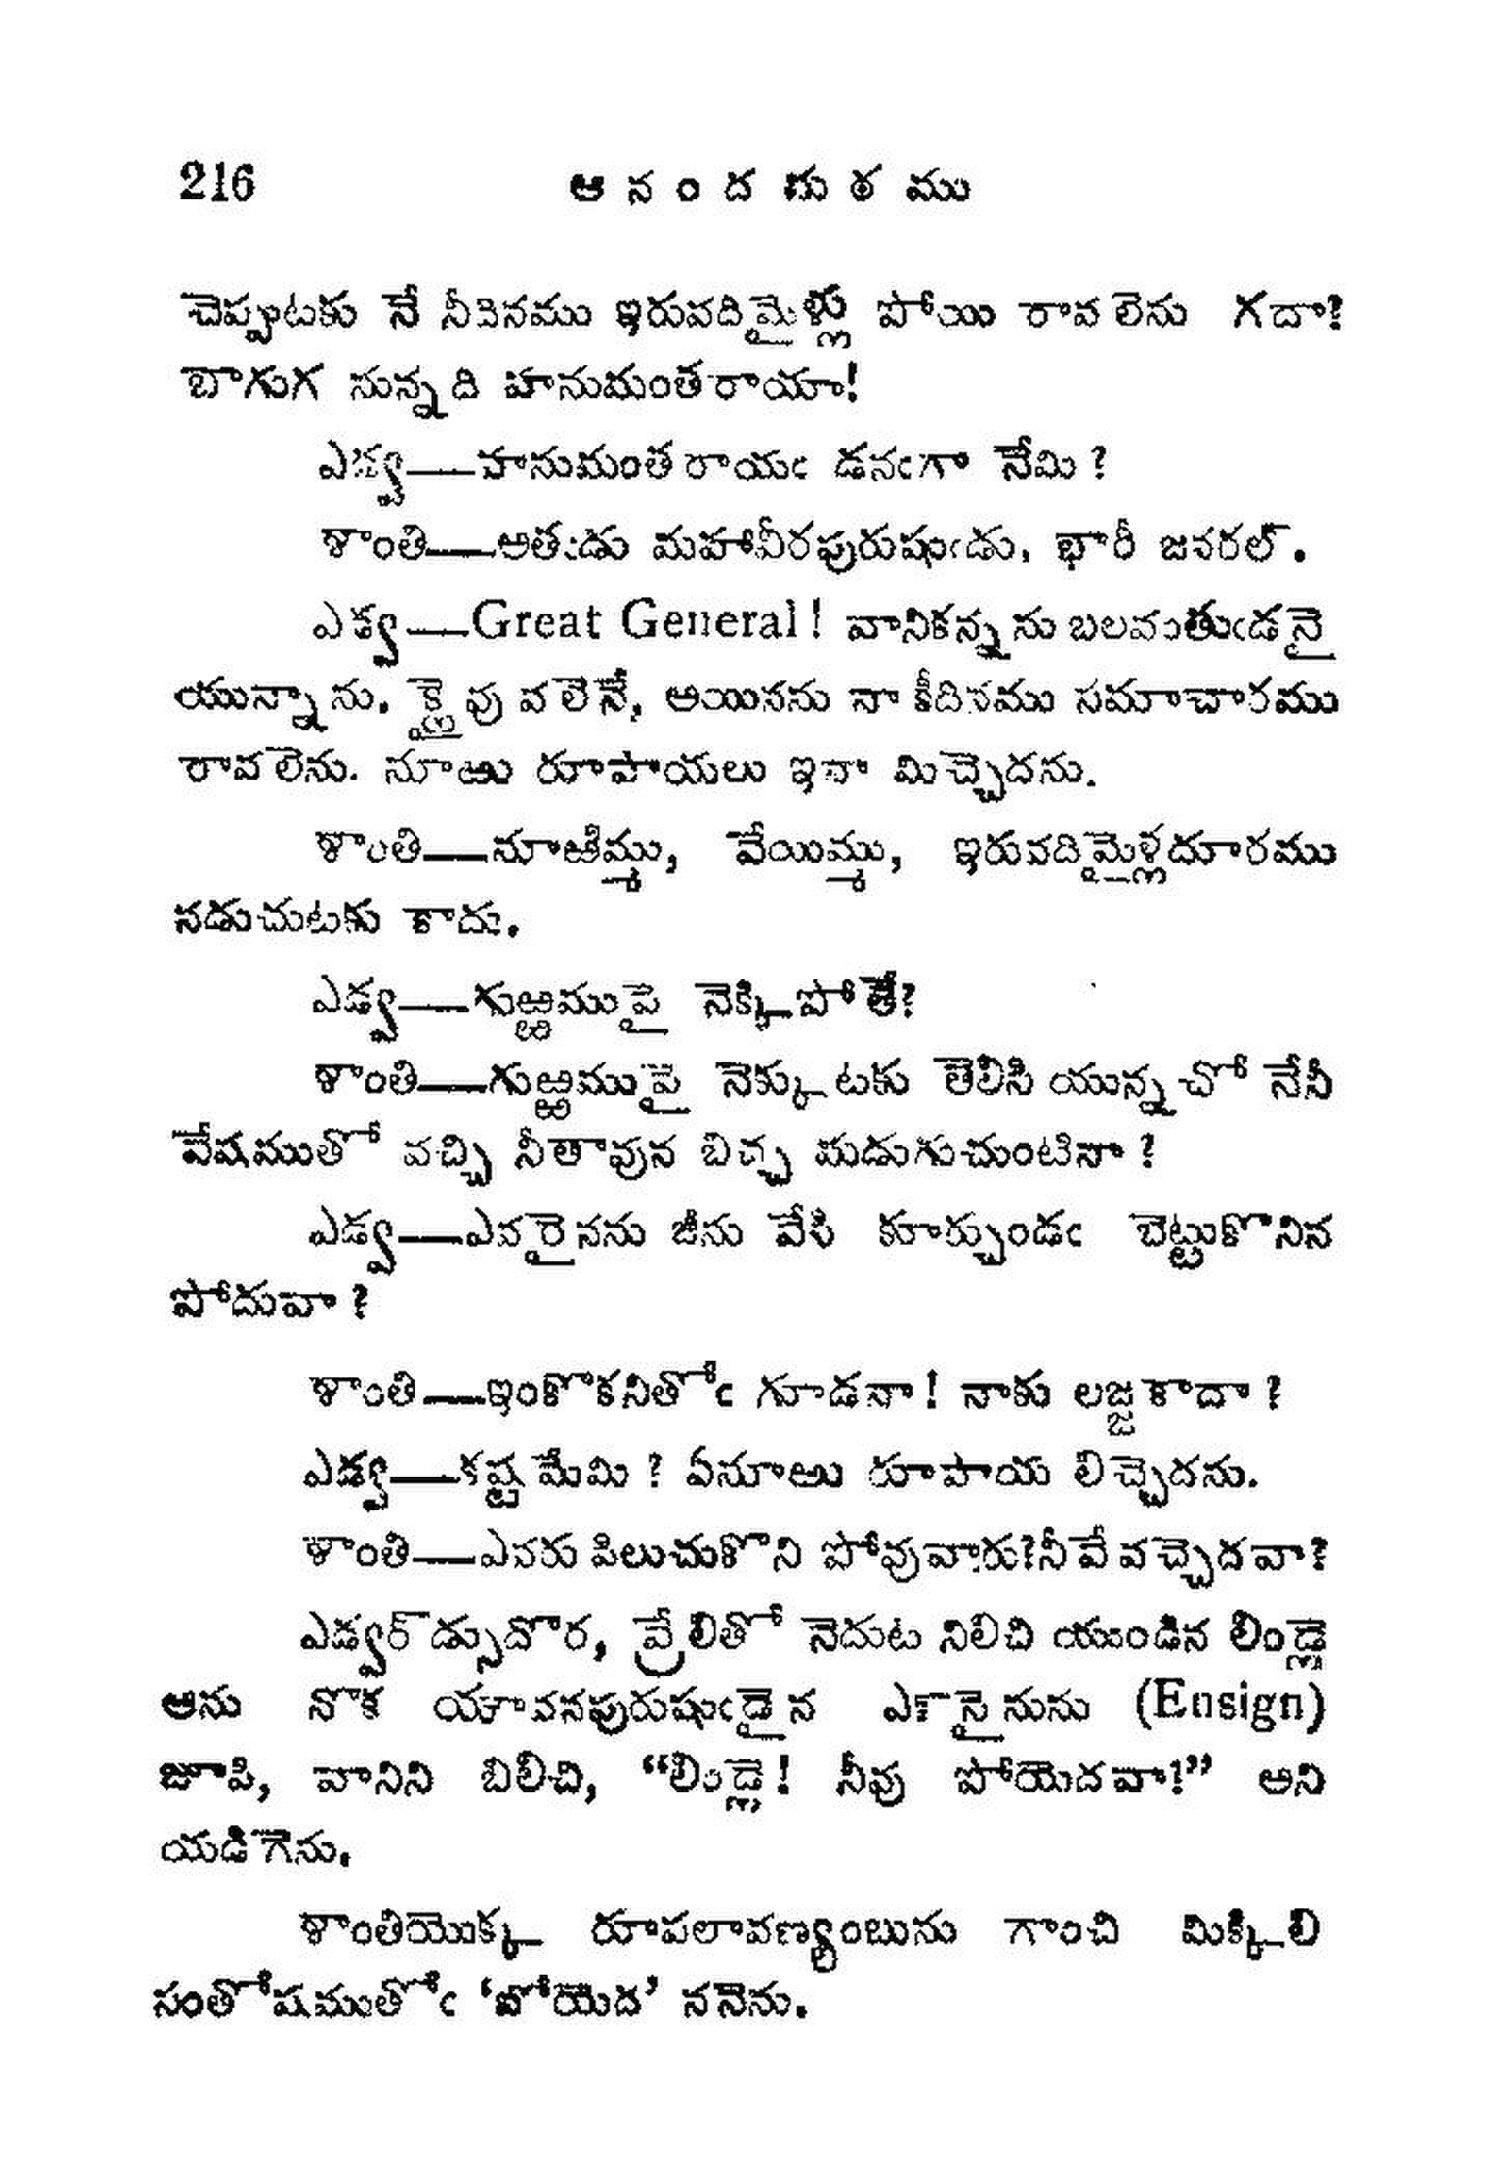చెప్పుటకు నే నీదినము ఇరువది మైళ్లు పోయి రావలెను గదా? బాగుగ నున్నది హనుమంత రాయా!

ఎడ్వ——హనుమంత రాయఁ డనఁగా నేమి ?

శాంతి——అతఁడు మహావీరపురుషుఁడు, భారీ జనరల్.

ఎడ్వ——Great General! వానికన్నను బలవంతుఁడనై యున్నాను. క్లైవు వలేనే, అయినను నా కీదినము సమాచారము
రావలెను. నూఱు రూపాయలు ఇనా మిచ్చెదను.

శాంతి——నూఱిమ్ము, వేయిమ్ము, ఇరువది మైళ్ల దూరము నడుచుటకు కాదు.

ఎడ్వ——గుఱ్ఱము పై నెక్కిపోతే?

శాంతి—— గుఱ్ఱముపై నెక్కుటకు తెలిసి యున్నచో నేనీ వేషముతో వచ్చి నీ తావున బిచ్చ మడుగుచుంటినా ?

ఎడ్వ——ఎవరైనను జీను వేసి కూర్చుండఁ బెట్టుకొనిన పోదువా?

శాంతి——ఇంకొకనితోఁ గూడనా ! నాకు లజ్జ కాదా ?

ఎడ్వ——కష్ట మేమి ? ఏనూఱు రూపాయ లిచ్చెదను.

శాంతి——ఎవరు పిలుచుకొని పోవువారు?నీ వేవచ్చెదవా?

ఎడ్వర్ డ్సుదొర, వ్రేలితో నెదుట నిలిచి యుండిన లిండ్లె అను నొక యౌవనపురుషుఁడైన ఎ౯సైనును (Ensign)
జూపి, వానిని బిలిచి, "లిండై! నీవు పోయెదవా!" అని యడిగెను.

శాంతియొక్క రూపలావణ్యంబును గాంచి మిక్కిలి సంతోషముతోఁ 'బోయేద' ననెను.